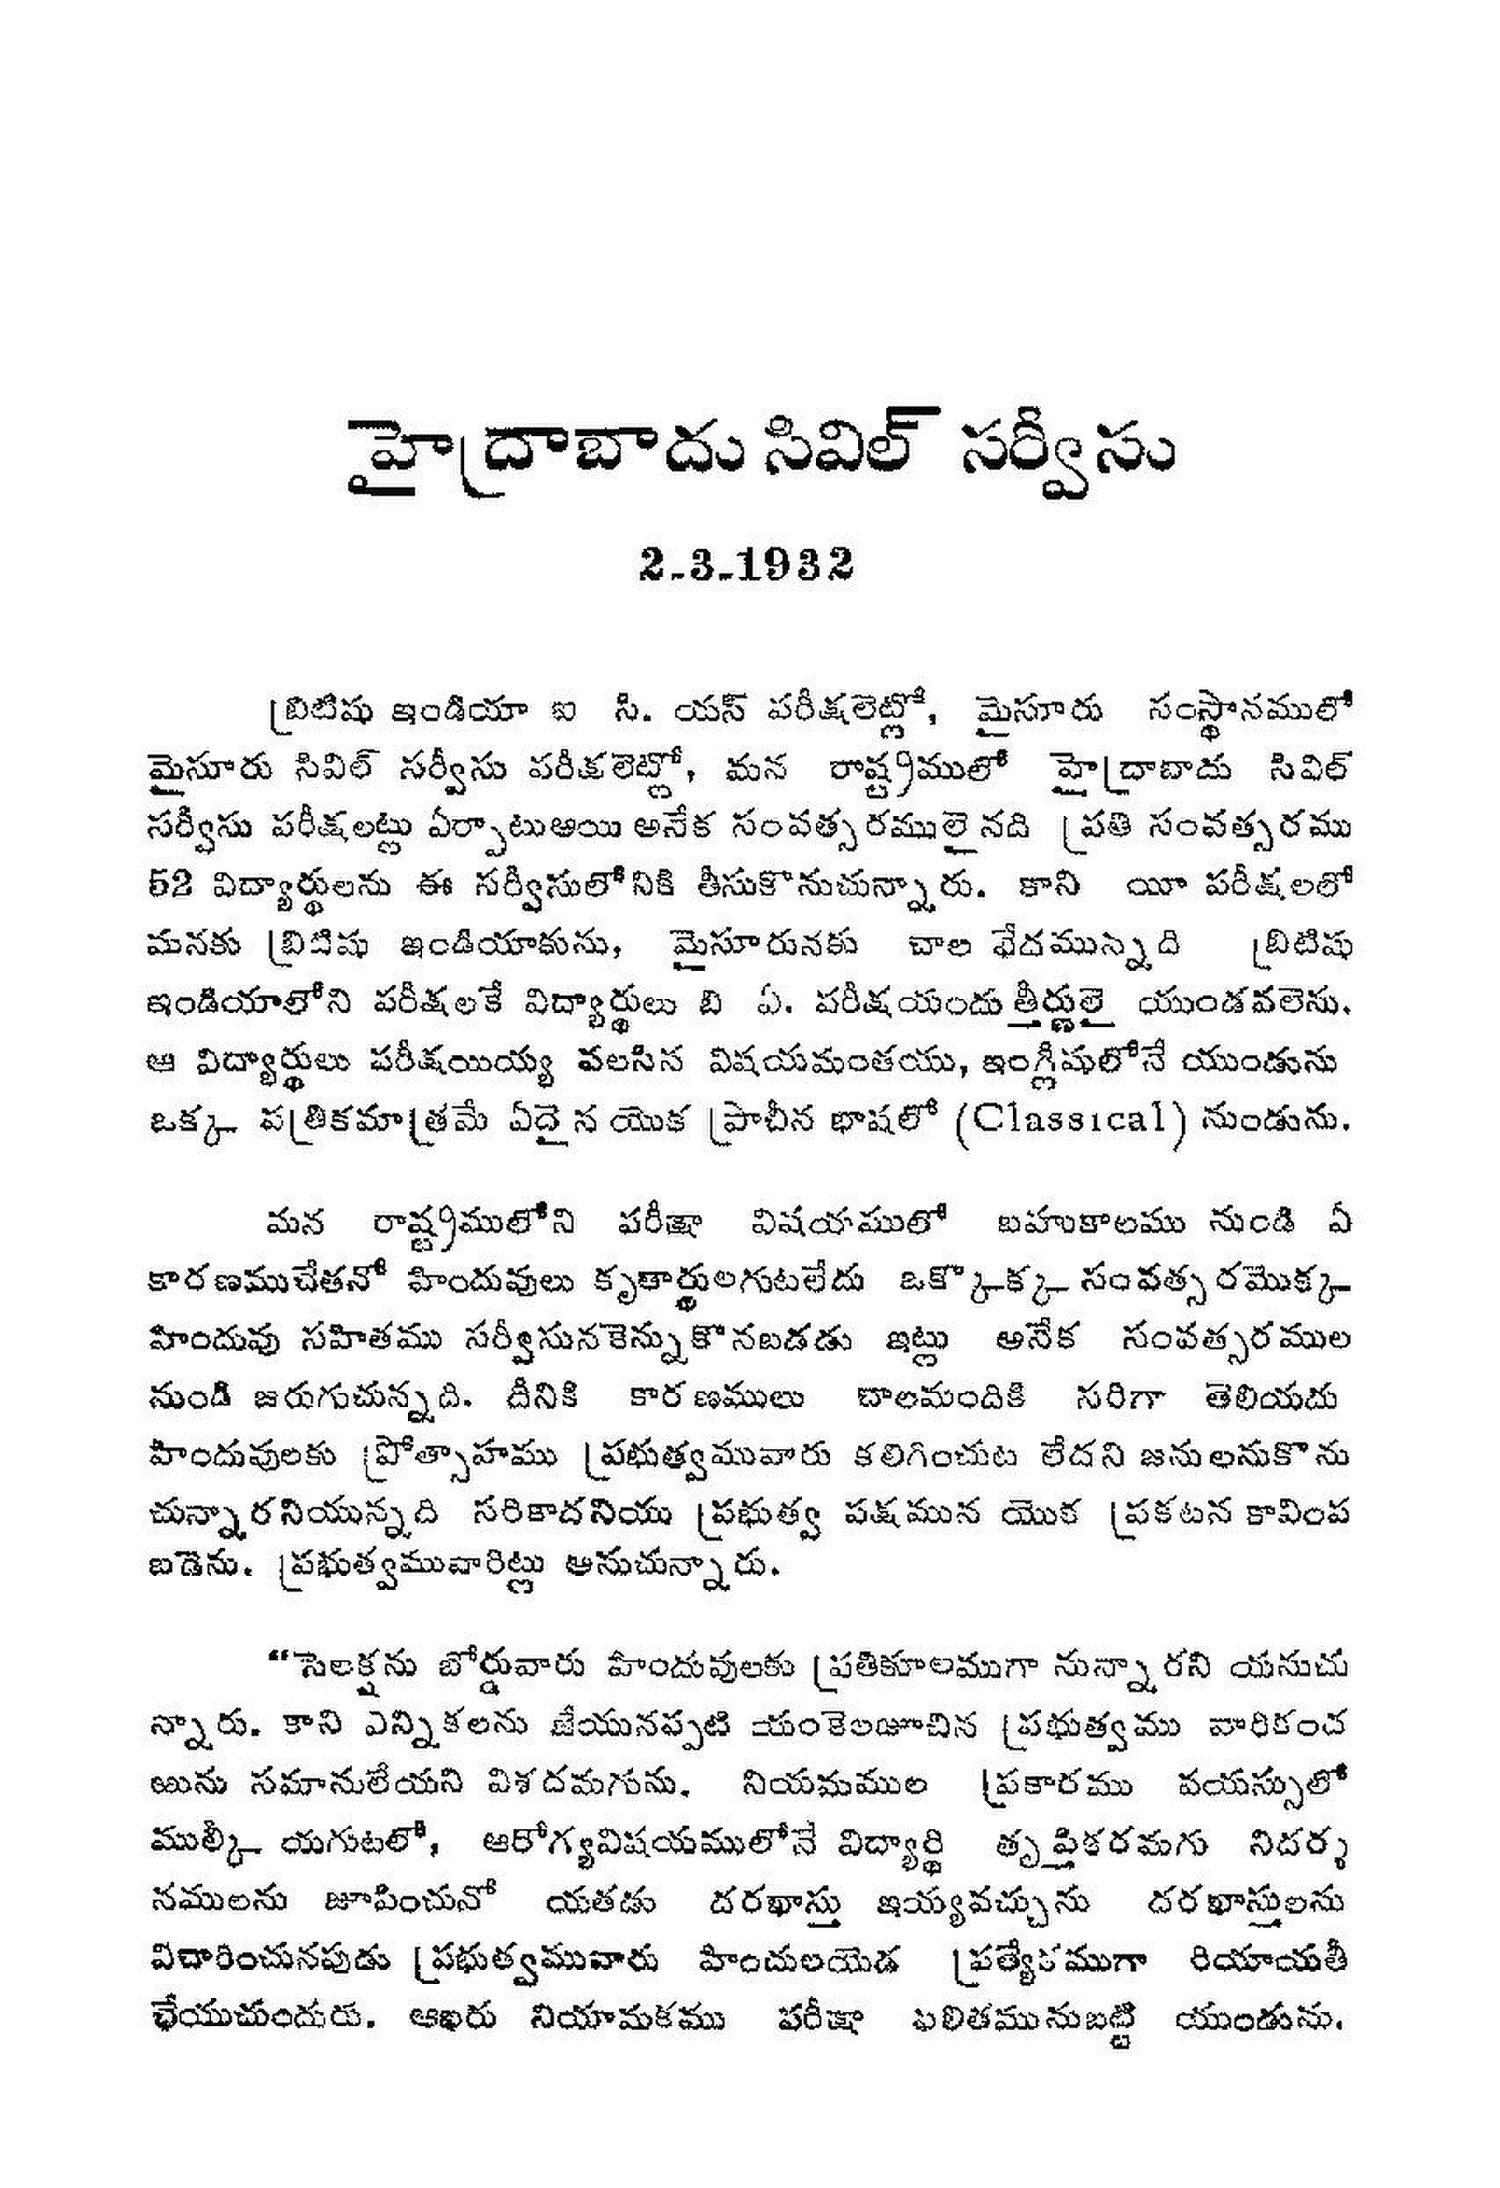హైద్రాబాదు సివిల్ సర్వీసు

2 - 3 - 1932

బ్రిటిషు ఇండియా ఐ. సి. యస్ పరీక్షలెట్లో, మైసూరు సంస్థానములో మైసూరు సివిల్ సర్వీసు పరీక్షలెట్లో, మన రాష్ట్రములో హైద్రాబాదు సివిల్ సర్వీసు పరీక్షలట్లు ఏర్పాటుఅయి అనేక సంవత్సరములైనది ప్రతి సంవత్సరము
52 విద్యార్థులను ఈ సర్వీసులోనికి తీసుకొనుచున్నారు. కాని యీ పరీక్షలలో మనకు బ్రిటిషు ఇండియాకును, మైసూరునకు చాల భేదమున్నది బ్రిటిషు ఇండియాలోని పరీక్షలకే విద్యార్థులు బి ఏ. పరీక్షయందుత్తీర్ణులై యుండవలెను. ఆ విద్యార్థులు పరీక్షయియ్య వలసిన విషయమంతయు, ఇంగ్లీషులోనే యుండును ఒక్క పత్రికమాత్రమే ఏదైన యొక ప్రాచీన భాషలో (Classical) నుండును.

మన రాష్ట్రములోని పరీక్షా విషయములో బహుకాలము నుండి ఏ కారణముచేతనో హిందువులు కృతార్థులగుటలేదు ఒక్కొక్క సంవత్సరమొక్క హిందువు సహితము సర్వీసునకెన్నుకొనబడడు ఇట్లు అనేక సంవత్సరముల నుండి జరుగుచున్నది. దీనికి కారణములు చాలమందికి సరిగా తెలియదు హిందువులకు ప్రోత్సాహము ప్రభుత్వమువారు కలిగించుట లేదని జనులనుకొనుచున్నారనియున్నది సరికాదనియు ప్రభుత్వ పక్షమున యొక ప్రకటన కావింపబడెను. ప్రభుత్వమువారిట్లు అనుచున్నారు.

"సెలక్షను బోర్డువారు హిందువులకు ప్రతికూలముగా నున్నారని యనుచున్నారు. కాని ఎన్నికలను జేయునప్పటి యంకెలజూచిన ప్రభుత్వము వారికందఱును సమానులేయని విశదమగును. నియమముల ప్రకారము వయస్సులో
ముల్కీ యగుటలో, ఆరోగ్యవిషయములోనే విద్యార్థి తృప్తికరమగు నిదర్శనములను జూపించునో యతడు దరఖాస్తు ఇయ్యవచ్చును దరఖాస్తులను విచారించునపుడు ప్రభుత్వమువారు హిందులయెడ ప్రత్యేకముగా రియాయతీ
ఛేయుచుందురు. ఆఖరు నియామకము పరీక్షా ఫలితమును బట్టి యుండును.